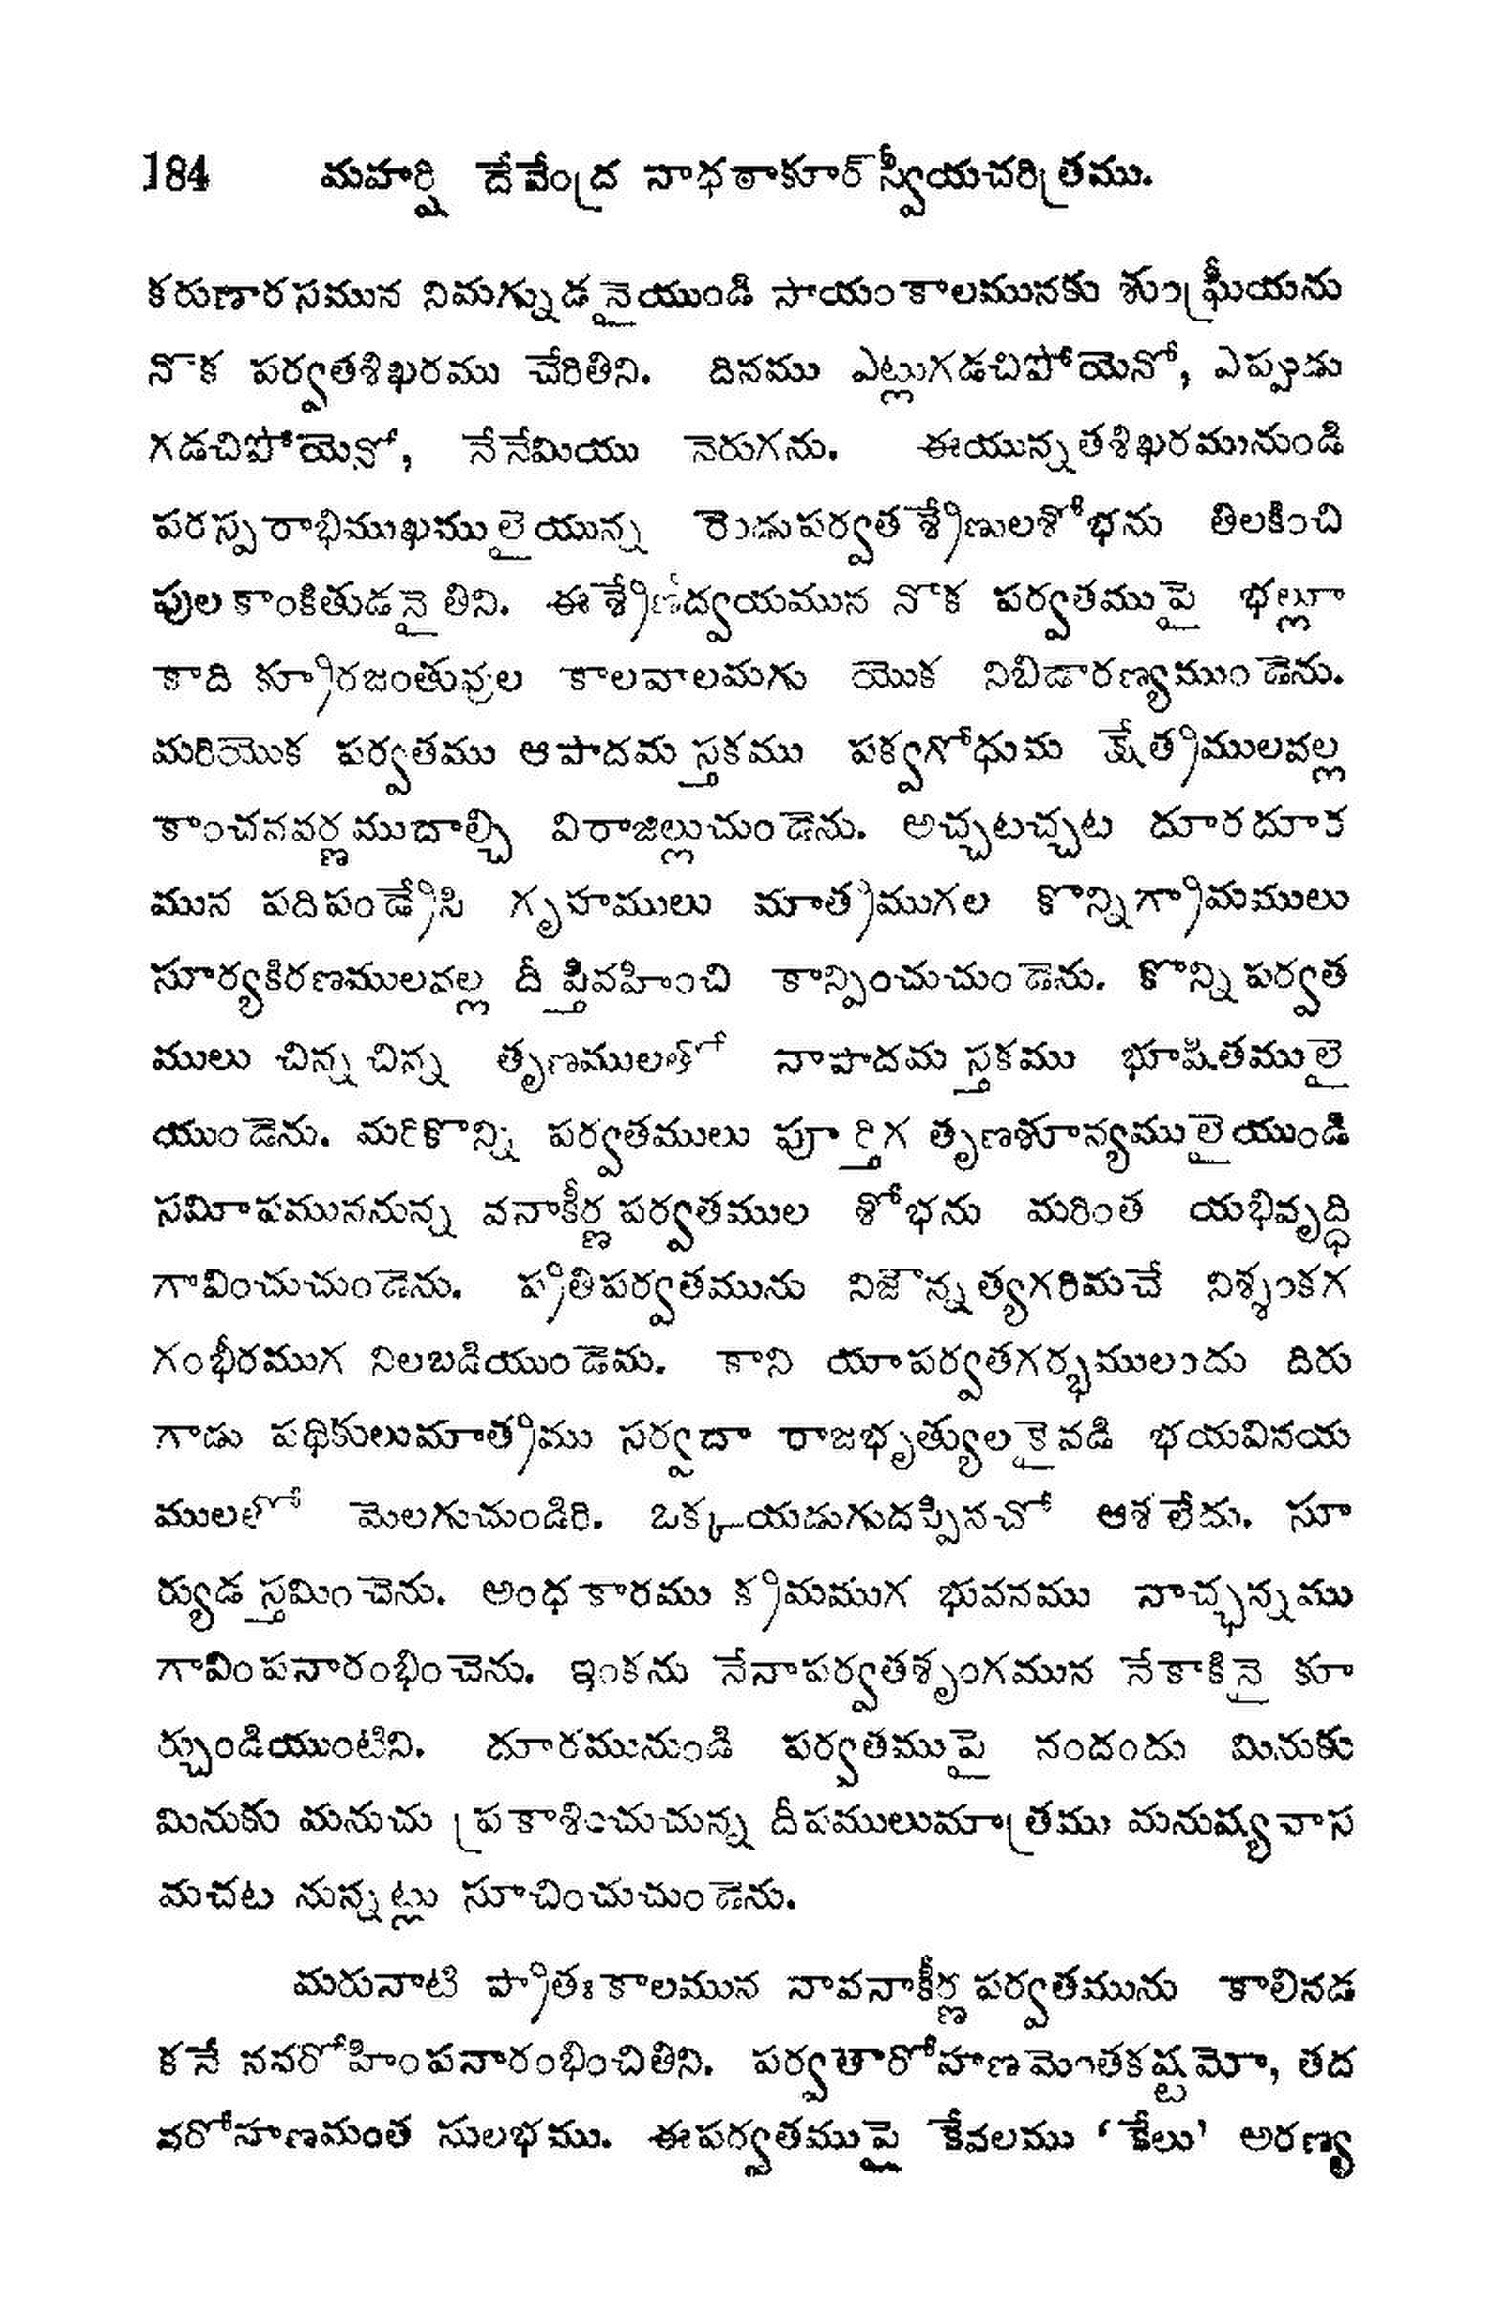కరుణారసమున నిమగ్నుడ నై యుండి సాయంకాలమునకు శుంఘ్రీయను
నొక పర్వతశిఖరము చేరితిని. దినము ఎట్లుగడచిపోయెనో, ఎప్పుడు
గడచిపోయెనో, నేనేమియు నెరుగను. ఈయున్నత శిఖరము నుండి
పరస్పరాభిముఖము లై యున్న రెండు పర్వత శ్రేణులశోభను తిలకించి
పులకాంకితుడనై తిని. ఈ శ్రేణీ ద్వయమున నొక పర్వతము పై బల్లూకాది క్రూరజంతువుల కాలవాలమగు యొక నిబిడారణ్యముండెను.
మరియొక పర్వతము ఆపాదమస్తకము పక్వగోధుమ క్షేత్రములవల్ల
కాంచనవర్ణముదాల్చి విరాజిల్లుచుండెను. అచ్చటచ్చట దూరదూరమున 
పది పండ్రేసి గృహములు మాత్రముగల కొన్ని గ్రామములు
సూర్య కిరణములవల్ల దీప్తి వహించి కాన్పించుచుండెను. కొన్ని పర్వతములు 
చిన్న చిన్న తృణముల" నాపొదమ స్తకము భూషితము లైయుండెను. 
మరి కొన్ని పర్వతములు పూర్తిగ తృణశూన్యము లై యుండి
సమీపముననున్న వనాకీర్ణ పర్వతముల శోభను మరింత యభివృద్ధి
గావించుచుండెను. ప్రతి పర్వతమును నిజౌన్నత్యగరిమచే నిశ్శంకగ
గంభీరముగ నిలబడి యుండెమ. కానీ యాపర్వత గర్భములుదు దిరుగాడు 
పథికులు మాత్రము సర్వదారాజభృత్యుల కైవడి భయవినయములతో 
మెలగుచుండిరి. ఒక్కయడుగు దప్పినచో ఆశ లేదు. సూర్యుడ స్తమించెను. 
అంధ కారము క్రమముగ భువనము నాచ్ఛన్నముగావింప నారంభించెను. 
ఇంకను నేనా పర్వతశృంగమున నేకాకినై కూర్చుండి యుంటిని. దూరము నుండి పర్వతము పై నందందు. మినుకు మినుకు మనుచు ప్రకాశించుచున్న దీపములు మాత్రము మనుష్య వాస మచట నున్నట్లు సూచించుచుండెను.

మరునాటి పాతః కాలమున నావనాకీర్ణ పర్వతమును కాలినడ
కనే నవరో హింపనారంభించితిని. పర్వతారోహణమెత కష్టమో, తద
వరోహణమంత సులభము. ఈ పర్వతముపై కేవలము ' కేలు' అరణ్య